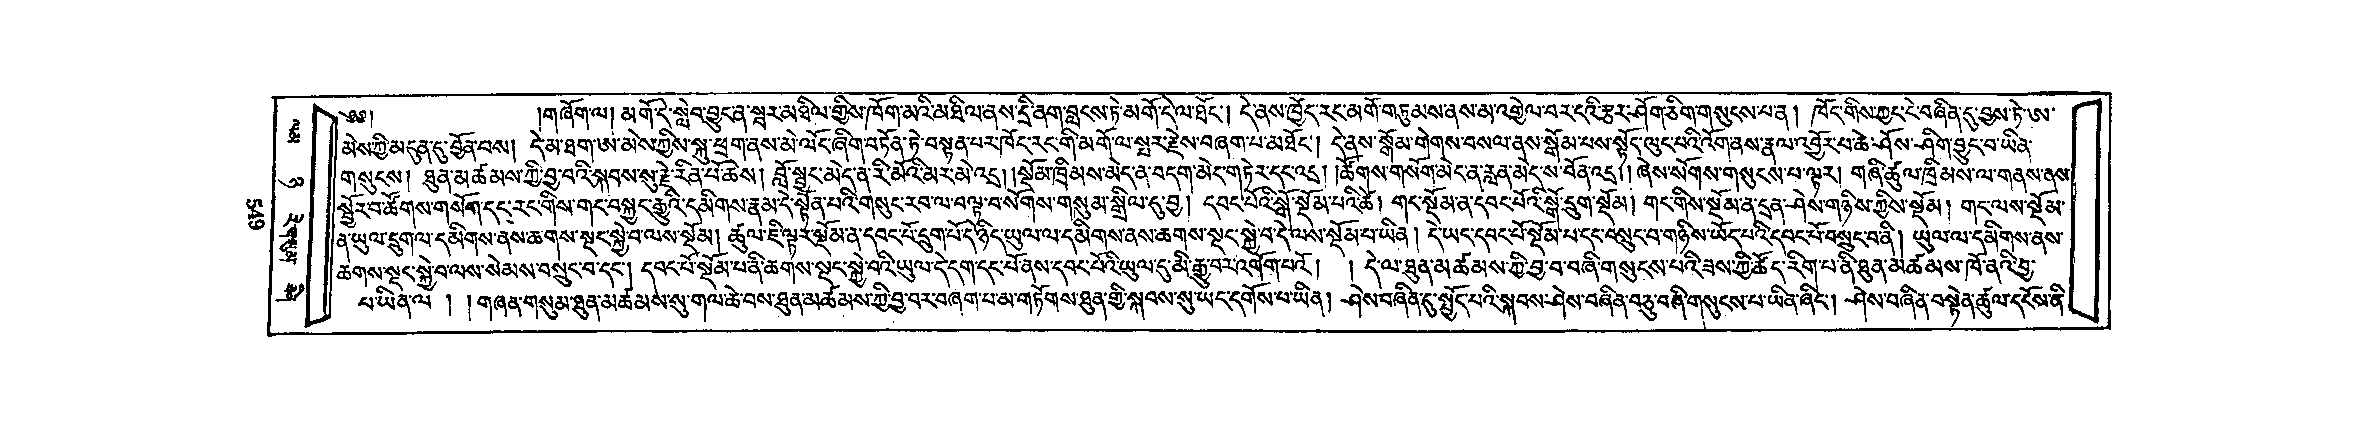༄༅། །གཞོག་ལ། མགོ་དེ་སླེབ་བྱུང་ན་སྦར་མཐིལ་གྱིས་ཁོག་མའི་མཐིལ་ནས་དྲི་ནག་བླངས་ཏེ་མགོ་དེ་ལ་ཐོང་། དེ་ནས་ཁྱོད་རང་མགོ་གཏུམས་ནས་མ་འགྱེལ་བར་ངའི་རྩར་ཤོག་ཅིག་གསུངས་པ་ན། ཁོང་གིས་ཀྱང་ངེ་བཞིན་དུ་བྱས་ཏེ་ཨ་
མེས་ཀྱི་མདུན་དུ་བྱོན་པས། དེ་མ་ཐག་ཨ་མེས་ཀྱིས་སྐུ་ཕྲག་ནས་མེ་ལོང་ཞིག་བཏོན་ཏེ་བསྟན་པར་ཁོང་རང་གི་མགོ་ལ་སྤར་རྗེས་བཞག་པ་མཐོང་། དེ་ནས་སྒོམ་གེགས་བསལ་ནས་སྒོམ་པས་སྟོད་ལུང་པའི་འོག་ནས་རྣལ་འབྱོར་པ་ཆེ་ཤོས་ཤིག་བྱུང་བ་ཡིན་
གསུངས། ཐུན་མཚམས་ཀྱི་བྱ་བའི་སྐབས་སུ་རྗེ་རིན་པོ་ཆེས། བློ་སྦྱང་མེད་ན་རི་མོའི་མར་མེ་འདྲ། །སྡོམ་ཁྲིམས་མེད་ན་བདག་མེད་གཏེར་དང་འདྲ། །ཚོགས་གསོག་མེད་ན་རླན་མེད་ས་བོན་འདྲ། །ཞེས་སོགས་གསུངས་པ་ལྟར། གཞི་ཚུལ་ཁྲིམས་ལ་གནས་ནས་
སྦྱོར་བ་ཚོགས་གསོག་དང་རང་གིས་གང་བསྐྱང་རྒྱུའི་དམིགས་རྣམ་དེ་སྟོན་པའི་གསུང་རབ་ལ་བལྟ་བ་སོགས་གསུམ་སྒྲིལ་དུ་བྱ། དབང་པོའི་སྒོ་སྡོམ་པའི་ཚེ། གང་སྡོམ་ན་དབང་པོའི་སྒོ་དྲུག་སྡོམ། གང་གིས་སྡོམ་ན་དྲན་ཤེས་གཉིས་ཀྱིས་སྡོམ། གང་ལས་སྡོམ་
ན་ཡུལ་དྲུག་ལ་དམིགས་ནས་ཆགས་སྡང་སྐྱེ་བ་ལས་སྡོམ། ཚུལ་ཇི་ལྟར་སྡོམ་ན་དབང་པོ་དྲུག་པོ་དེ་ཉིད་ཡུལ་ལ་དམིགས་ནས་ཆགས་སྡང་སྐྱེ་བ་དེ་ལས་སྡོམ་པ་ཡིན། དེ་ཡང་དབང་པོ་སྡོམ་པ་དང་བསྲུང་བ་གཉིས་ཡོད་པའི་དབང་པོ་བསྲུང་བ་ནི། ཡུལ་ལ་དམིགས་ནས་
ཆགས་སྡང་སྐྱེ་བ་ལས་སེམས་བསྲུང་བ་དང་། དབང་པོ་སྡོམ་པ་ནི་ཆགས་སྡང་སྐྱེ་བའི་ཡུལ་དེ་དག་དང་པོ་ནས་དབང་པོའི་ཡུལ་དུ་མི་རྒྱུ་བར་འགོག་པའོ། །དེ་ལ་ཐུན་མཚམས་ཀྱི་བྱ་བ་བཞི་གསུངས་པའི་ཟས་ཀྱི་ཚོད་རིག་པ་ནི་ཐུན་མཚམས་ཁོ་ནའི་བྱ་
པ་ཡིན་ལ། །གཞན་གསུམ་ཐུན་མཚམས་སུ་གལ་ཆེ་བས་ཐུན་མཚམས་ཀྱི་བྱ་བར་བཞག་པ་མ་གཏོགས་ཐུན་གྱི་སྐབས་སུ་ཡང་དགོས་པ་ཡིན། ཤེས་བཞིན་དུ་སྤྱོད་པའི་སྐབས་ཤེས་བཞིན་བཅུ་བཞི་གསུངས་པ་ཡིན་ཞིང་། ཤེས་བཞིན་བསྟེན་ཚུལ་དངོས་ནི་